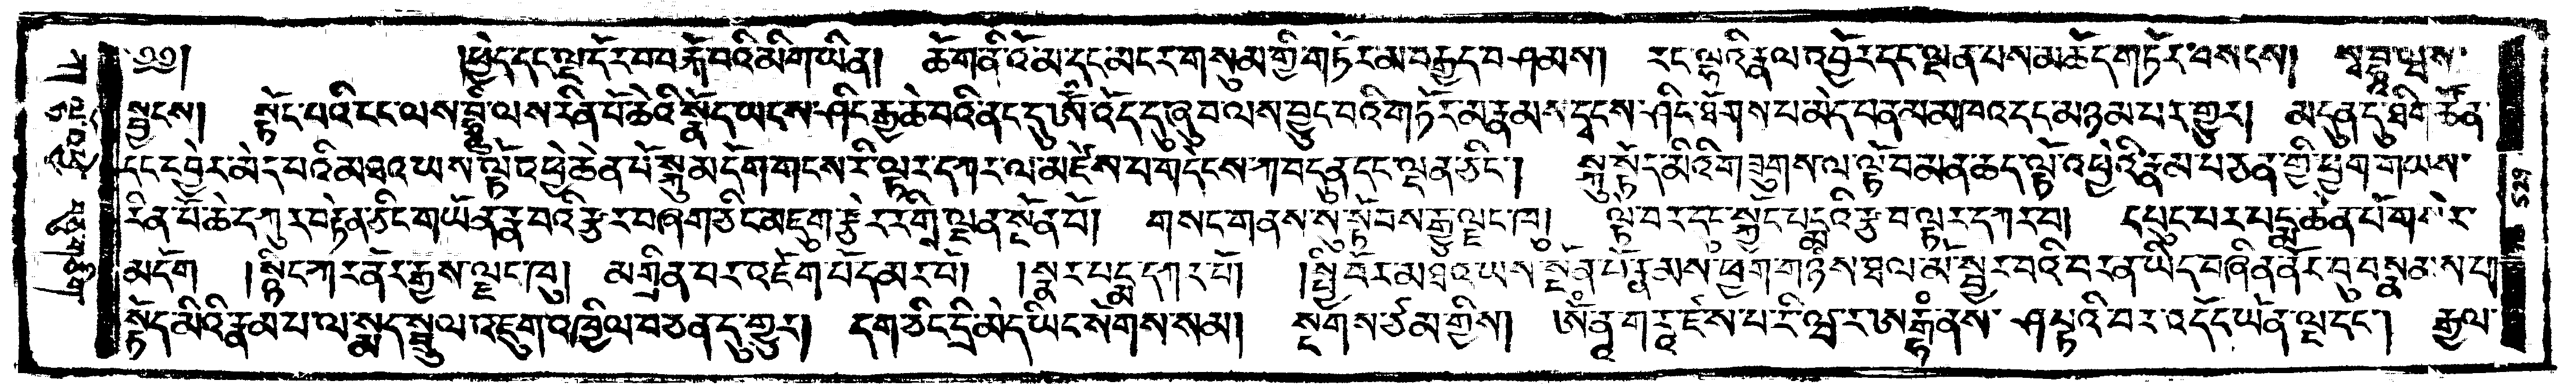༄༅། །ཕྱེད་དང་ལྔ་དོར་བབ་རྐོ་བའི་མིག་ཡིན། ཆོག་ནི་འོ་མ་དང་མངར་གསུམ་གྱི་གཏོར་མ་བརྒྱད་བཤམས། རང་ལྷའི་རྣལ་འབྱོར་དང་ལྡན་པས་མཆོད་གཏོར་བསངས། སྭ་བྷཱ་ཝས་
སྦྱངས། སྟོང་བའི་ངང་ལས་བྷྲཱུ་ལས་རིན་པོ་ཆེའི་སྣོད་ཡངས་ཤིང་རྒྱ་ཆེ་བའི་ནང་དུ་ཨོཾ་འོད་དུ་ཞུབ་ལས་བྱུང་བའི་གཏོར་མ་རྣམས་དྭངས་ཤིང་ཐོགས་པ་མེད་བ་ནམ་མཁའ་དང་མཉམ་པར་གྱུར། མདུན་དུ་ཐིག་ཚོན་
དང་དབྱེར་མེད་པའི་མཐའ་ཡས་ལྟོ་འཕྱེ་ཆེན་པོ་སྐུ་མདོག་གངས་རི་ལྟར་དཀར་ལ་མཛེས་པ་གདེངས་ཀ་བདུན་དང་ལྡན་ཅིང་། སྐུ་སྟོད་མིའི་གཟུགས་ལ་ལྟོ་བ་མན་ཆད་ལྟོ་འཕྱེའི་རྣམ་པ་ཅན་གྱི་ཕྱག་གཡས་
རིན་པོ་ཆེ་དཀུར་བརྟེན་ཅིང་གཡོན་རྣ་བའི་རྩར་བཞག་ཅིང་མཇུག་རྩེར་རིགས་ལྡན་སྔོན་པོ། གསང་གནས་སུ་སྟོབས་རྒྱུ་ལྗང་ཁུ། ལྟ་བར་དུང་སྐྱོང་པདམའི་རྩ་བ་ལྟར་དཀར་བ། དཔུང་བར་པདམ་ཆེན་པོ་གསེར་
མདོག། །སྙིང་ཀར་ནོར་རྒྱས་ལྗང་ཁུ། མགྲིན་པར་འཇོག་པོ་དམར་པོ། །སྣར་པདམ་དཀར་པོ། །སྦྱི་བར་མཐའ་ཡས་སྔོན་པོ་རྣམས་ཕྱག་གཉིས་ཐལ་མོ་སྦྱར་བའི་བར་ན་ཡིད་བཞིན་ནོར་བུ་བསྣམས་པ་
སྟོད་མིའི་རྣམ་པ་ལ་སྨད་སྦྲུལ་འཇུག་འཁྱིལ་བཅན་དུ་གྱུར། དག་ཅིང་དྲི་མེད་ཡིང་སོགས་སམ། སྔགས་ཙམ་གྱིས། ཨོཾ་ནཱ་ག་རཱ་ཛ་ས་པ་རི་ཝ་ར་ཨ??་ནས་ཤཔྟའི་བར་འདོད་ཡོན་ལྔ་དང་། རྒྱལ་